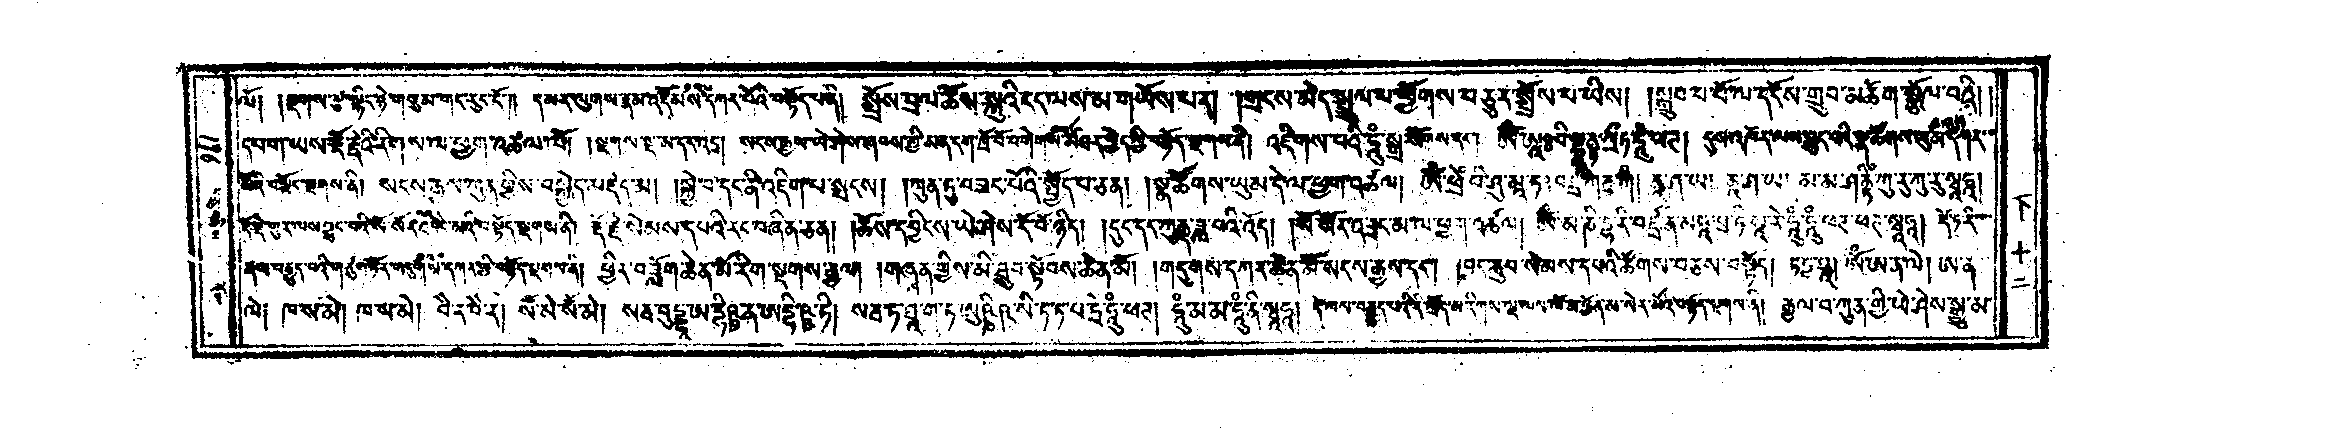ལོ༑ ༑སྔགས་རྩ་སྙིང་ཉེ་གསུམ་གང་རུང་ངོ།། དམར་ལུགས་རྣམ་འཇོམས ༡༢༥་དཀར་པོའི་བསྟོད་པ་ནི། སྤྲོས་བྲལ་ཆོས་སྐུའི་ངང་ལས་མ་གཡོས་པར། །གྲངས་མེད་སྤྲུལ་པ་ཕྱོགས་བཅུར་སྤྲོས་པ་ཡིས། །སྒྲུབ་པ་པོ་ལ་དངོས་གྲུབ་མཆོག་སྩོལ་བའི། །
དཔག་ཡས་རྡོ་རྗེའི་རིགས་ལ་ཕྱག་འཚལ་ལོ། །སྔགས་སྔ་མ་དང་འདྲ། སངས་རྒྱས་ཡེ་ཤེས་ཞབས་ཀྱི་མན་ངག་ཁྲོ་བོ་བགེགས ༡༢༦་མཐར་བྱེད་ཀྱི་བསྟོད་སྔགས་ནི། འཇིགས་པའི་ཧཱུཾ་སྒྲ་སོགས་དང་།  ཨོཾ་ཨཱཿབིགྷྣཱནྟ་ཀྲྀཏ་ཧཱུཾ་ཕཊ། དུས་འཁོར་ལས་བྱུང་བའི་སྣ་ཚོགས་ཡུམ ༡༢༧་དཀར་
མོའི་བསྟོད་སྔགས་ནི། སངས་རྒྱས་ཀུན་གྱིས་བསྐྱེད་མཛད་མ། །སྐྱེ་བ་དང་ནི་འཇིག་པ་སྤངས། །ཀུན་ཏུ་བཟང་པོའི་སྤྱོད་པ་ཅན། །སྣ་ཚོགས་ཡུམ་དེ་ལ་ཕྱག་འཚལ། ཨོཾ་ཕྲེཾ་བི་ཤུ་མཱ་ཏཿབཛྲ་ཀཎྜ་ཀཾ། ནཱ་ཤ་ཡ། མཱ་ཤ་ཡ། མ་མ་ཤནྟིཾ་ཀུ་རུ་ཀུ་རུ་སྭཱཧཱ།
རྡོ་རྗེ་གུར་ལས་བྱུང་བའི་སོ་སོར་འབྲང ༡༢༨་མའི་བསྟོད་སྔགས་ནི། རྡོ་རྗེ་སེམས་དཔའི་རང་བཞིན་ཅན། །ཆོས་དབྱིངས་ཡེ་ཤེས་ངོ་བོ་ཉིད། །དུང་དང་ཀུནྡ་ཟླ་བའི་འོད། །སོ་སོར་འབྲང་མ་ལ་ཕྱག་འཚལ། ཨོཾ་མ་ཎི་དྷ་རི་བཛྲ་ནི་མཧཱ་པྲ་ཏི་སཱ་རེ་ཧཱུཾ་ཧཱུཾ་ཕཊ་ཕཊ་སྭཱཧཱ། ཛེ་ཏ་རི་
ནས་བརྒྱུད་པའི་གཙུག་ཏོར་གདུགས་༡༢༩་དཀར་གྱི་བསྟོད་སྔགས་ནི། ཕྱིར་བཟློག་ཆེན་མོ་རིག་སྔགས་རྒྱལ། །གཞན་གྱིས་མི་ཐུབ་སྟོབས་ཆེན་མོ། །གདུགས་དཀར་ཆེན་མོ་སངས་རྒྱས་དང་། །བྱང་ཆུབ་སེམས་དཔའི་ཚོགས་བཅས་བསྟོད། ཏདྱ་ཐཱ། ཨོཾ་ཨ་ན་ལེ། ཨ་ན་
ལེ༑ ཁ་ས་མེ། ཁ་ས་མེ། བཻ་ར་བཻ་ར། སཽ་མེ་སཽ་མེ། སརྦ་བུདྡྷཱ་ཨ་དྷིཥཊཿཨ་ན་ཨདྷི་ཥཊཿཨ་ཏི། སརྦ་ཏ་ཐཱ་ག་ཏ་ཨུཥྞིཥ་སི་ཏ་ཏ་པ་ཏྲེ་ཧཱུཾ་ཕཊ། ཧཱུཾ་མ་མ་ཧཱུཾ་ནི་སྭཱཧཱ། དེ་ལས་བརྒྱུད་པའི་རི་ཁྲོད་མ་རིགས་ལྔ་ལས་ལོ་མ་གྱོན་མ་སེར་མོའི་བསྟོད་སྔགས་ནི།  རྒྱལ་བ་ཀུན་གྱི་ཡེ་ཤེས་སྒྱུ་མ་